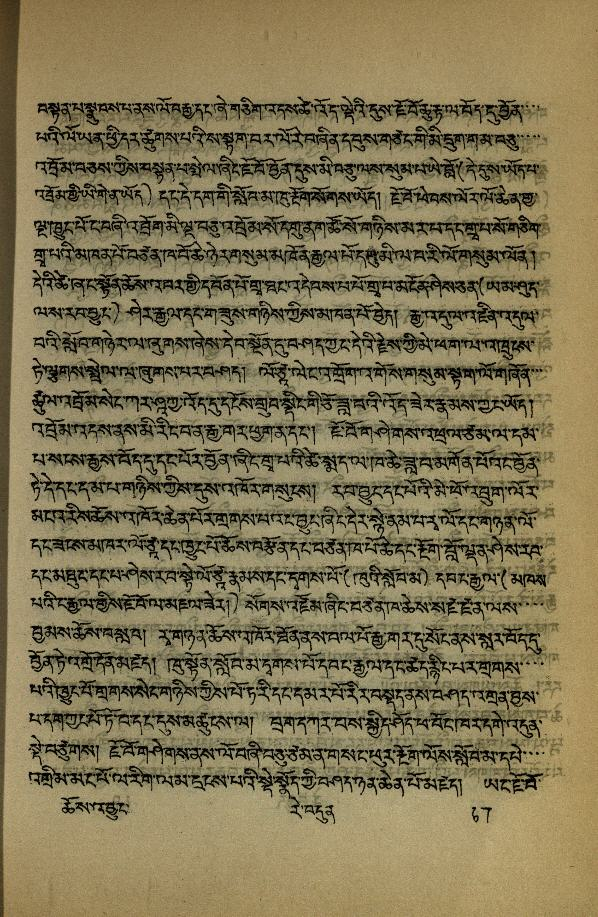བསྟན་པ་སྣུབས་པ་ནས་ལོ་བརྒྱ་དང་ཞེ་གཅིག་འདས་ཚེ་འོད་ལྡེའི་དུས་ཇོ་བོ་ཆུ་རྟ་ལ་བོད་དུ་བྱོན་
པའི་ལོ་ཡན་ཕྱི་དར་ཚུགས་པའི་ས་སྟག་བར་ལོ་རེ་བཞིན་དབུས་གཙང་གི་མི་དྲུག་གམ་བཅུ་
འབྲོམ་བཅས་ཀྱིས་བསྟན་པ་སྤེལ་ཞིང་ཇོ་བོ་བྱོན་དུས་མི་བཅུ་ལས་སུམ་པ་ཡེ་བློ་དེ་དུས་ཡོད་པ་
འབྲོམ་གྱི་ཡི་གེ་ན་ཡོད་དང་དེ་དག་གི་སློབ་མ་ཁུ་རྔོག་སོགས་ཡོད། ཇོ་བོ་ཕེབས་ལོར་ལོ་ཆེན་གྱ་
ལྔ་ཁྱུང་པོ་ང་བཞི་འབྲོག་མི་ལྔ་བཅུ་འབྲོ་མ་སོ་དགུ་ནག་ཚོ་སོ་གཉིས་མར་པ་དང་གྲྭ་པ་སོ་གཅིག་
གྲྭ་པའི་མཁན་པོ་བཙན་ཁ་བོ་ཆེ་ཉེར་གསུམ་མཁོན་རྒྱལ་པོ་དགུ་མི་ལ་བ་རི་ལོ་གསུམ་ལོན།
དེའི་ཚེ་ཞང་སྟོན་ཆོས་འབར་གྱི་དབོན་པོ་གྲྭ་ཐང་འདེབས་པ་པོ་གྲྭ་པ་མངོན་ཤེས་ཅན་ཡམ་ཤུད་
ལས་རབ་བྱུང་ཤེར་རྒྱལ་དང་གཟུས་གཉིས་ཀྱིས་མཁན་པོ་བྱེད། རྒྱ་འདུལ་འཛིན་འདུལ་
བའི་སློབ་གཉེར་ལ་ཞུགས་ཞེས་དེབ་སྔོན་དུ་བཤད་ཀྱང་དེའི་རྗེས་ཀྱི་མེ་ཕག་ལ་འཁྲུངས་
ཏེ་ལྕགས་སྤྲེལ་ལ་ཞུགས་པར་བཤད། ལོ་ཙཱ་ལེང་འགྲོག་འགོས་གསུམ་སྟག་ལོ་གཞོན་
ཚུལ་འབྲོམ་སེང་ཀར་ཤཱཀྱ་འོད་དུ་དངོས་གྲུབ་སྡིང་གི་ཅོ་ཟླ་བའི་འོད་ཟེར་རྣམས་ཀྱང་ཡོད།
འབྲོམ་འདས་ནས་མི་རིང་བ་ན་རྒྱ་གར་ཕྱག་ན་དང་། ཇོ་བོ་གཤེགས་འཕྲལ་ཙམ་ལ་དམ་
པ་སངས་རྒྱས་བོད་དུ་དང་པོར་བྱོན་ཞིང་གྲྭ་པའི་ཚེ་སྨད་ལ་ཁ་ཆེན་ཟླ་བ་མགོན་པོའང་བྱོན་
ཏེ་དེ་དང་དམ་པ་གཉིས་ཀྱིས་དུས་འཁོར་གསུངས། རབ་བྱུང་དང་པོའི་མེ་ཕོ་འབྲུག་ལོར་
མངའ་རིས་ཆོས་འཁོར་ཆེན་པོར་གྲགས་པའང་བྱུང་ཞིང་དེར་སྙེ་ནམ་པ་རྭ་ལོ་དང་གཉན་ལོ་
དང་ཟངས་མཁར་ལོ་ཙཱ་དང་ཁྱུང་པོ་ཆོས་བརྩོན་དང་བཙན་ཁ་པོ་ཆེ་དང་རྔོག་བློ་ལྡན་ཤེས་རབ་
དང་མཐུང་དང་པ་ཤེས་རབ་སྟེ་ལོ་ཙཱ་རྣམས་དང་དྭགས་པོ་ཁུའི་སློབ་མ་དབང་རྒྱལ་མཁས་
པའི་ང་རྒྱལ་གྱིས་ཇོ་བོ་ལ་མཇལ་ཟེར་སོགས་འཛོམ་ཞིང་བཙན་ཁ་ཆེས་ས་ཛ་ཛ་ན་ལས་
བྱམས་ཆོས་བསླབ། །རྭ་གཉན་ཆོས་འཁོར་ཐོན་ནས་བལ་པོ་རྒྱ་གར་དུ་སོང་ནས་སླར་བོད་དུ་
བྱོན་ཏེ་འགྲོ་དོན་མཛད། །ཁུ་སྟོན་སློབ་མ་དྭགས་པོ་དབང་རྒྱལ་དང་ཚད་རྙིང་པར་གྲགས་
པའི་ཁུང་པོ་གྲགས་སེང་གཉིས་ཀྱིས་པོ་ཏ་རི་དང་དམར་པོ་རིར་བསྡད་ནས་བཤད་འགྲན་བྱས་
པ་དག་ཀྱང་པོ་ཏོ་བ་དང་དུས་མཚུངས་ལ། བྲག་དཀར་པས་སྐྱིད་ཤོད་ཕ་བོང་ཁར་དགེ་འདུན་
སྡེ་བཙུགས། ཇོ་བོ་གཤེགས་ནས་ལོ་བཞི་བཅུ་ཙམ་ན་གསང་ཕུར་རྔོག་ལོས་སློབ་མ་དཔེ་
འགྲིམ་མང་པོ་ལ་རིག་ལམ་དྲངས་པའི་སྡེ་སྣོད་ཀྱི་བཤད་ཉན་ཆེན་པོ་མཛད། ཡང་ཇོ་བོ་